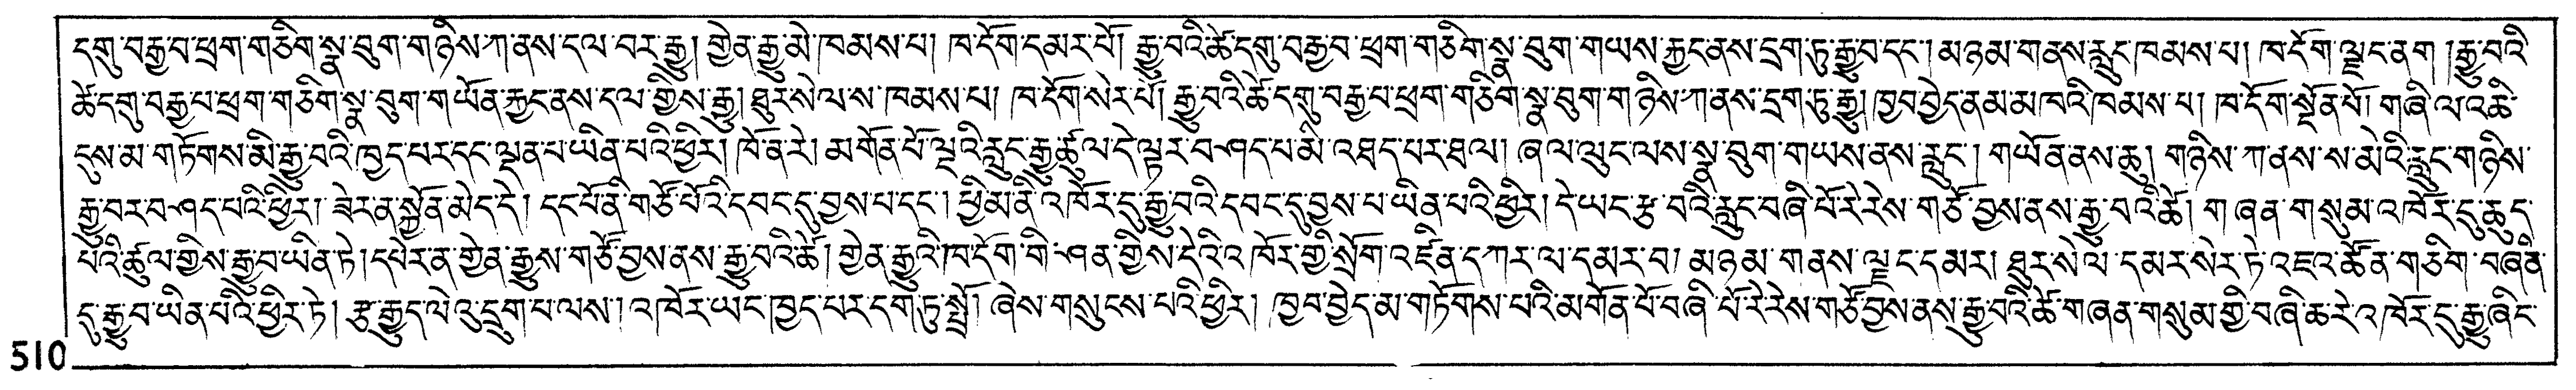དགུ་བརྒྱ་པ་ཕྲག་གཅིག་སྣ་བུག་གཉིས་ཀ་ནས་དལ་བར་རྒྱུ། གྱེན་རྒྱུ་མེ་ཁམས་པ། ཁ་དོག་དམར་པོ། རྒྱུ་བའི་ཚེ་དགུ་བརྒྱ་བ་ཕྲག་གཅིག་སྣ་བུག་གཡས་རྐྱང་ནས་དྲག་ཏུ་རྒྱུ་བ་དང་། མཉམ་གནས་རླུང་ཁམས་པ། ཁ་དོག་ལྗང་ནག །རྒྱུ་བའི་
ཚེ་དགུ་བརྒྱ་པ་ཕྲག་གཅིག་སྣ་བུག་གཡོན་རྐྱང་ནས་དལ་གྱིས་རྒྱུ། ཐུར་སེལ་ས་ཁམས་པ། ཁ་དོག་སེར་པོ། རྒྱུ་བའི་ཚེ་དགུ་བརྒྱ་པ་ཕྲག་གཅིག་སྣ་བུག་གཉིས་ཀ་ནས་དྲག་ཏུ་རྒྱུ། ཁྱབ་བྱེད་ནམ་མཁའི་ཁམས་པ། ཁ་དོག་སྔོན་པོ། གཞི་ལ་འཆི་
དུས་མ་གཏོགས་མི་རྒྱུ་བའི་ཁྱད་པར་དང་ལྡན་པ་ཡིན་པའི་ཕྱིར། ཁོ་ན་རེ། མགོན་པོ་ལྔའི་རླུང་རྒྱུ་ཚུལ་དེ་ལྟར་བཤད་པ་མི་འཐད་པར་ཐལ། ཞལ་ལུང་ལས་སྣ་བུག་གཡས་ནས་རླུང་། གཡོན་ནས་ཆུ། གཉིས་ཀ་ནས་ས་མེའི་རླུང་གཉིས་
རྒྱུ་བར་བཤད་པའི་ཕྱིར། ཟེར་ན་སྐྱོན་མེད་དེ། དང་པོ་ནི་གཙོ་བོའི་དབང་དུ་བྱས་པ་དང་། ཕྱི་མ་ནི་འཁོར་དུ་རྒྱུ་བའི་དབང་དུ་བྱས་པ་ཡིན་པའི་ཕྱིར། དེ་ཡང་རྩ་བའི་རླུང་བཞི་པོ་རེ་རེས་གཙོ་བྱས་ནས་རྒྱུ་བའི་ཚེ། གཞན་གསུམ་འཁོར་དུ་ཆུད་
པའི་ཚུལ་གྱིས་རྒྱུ་བ་ཡིན་ཏེ། དཔེར་ན་གྱེན་རྒྱུས་གཙོ་བྱས་ནས་རྒྱུ་བའི་ཚེ། གྱེན་རྒྱུའི་ཁ་དོག་གི་ཤན་གྱིས་དེའི་འཁོར་གྱི་སྲོག་འཛིན་དཀར་ལ་དམར་བ། མཉམ་གནས་ལྗང་དམར། ཐུར་སེལ་དམར་སེར་ཏེ་འཇའ་ཚོན་གཅིག་བཞིན་
དུ་རྒྱུ་བ་ཡིན་པའི་ཕྱིར་ཏེ། རྩ་རྒྱུད་ལེའུ་དྲུག་པ་ལས། འཁོར་ཡང་ཁྱད་པར་དག་ཏུ་སྤྲོ། ཞེས་གསུངས་པའི་ཕྱིར། ཁྱབ་བྱེད་མ་གཏོགས་པའི་མགོན་པོ་བཞི་པོ་རེ་རེས་གཙོ་བྱས་ནས་རྒྱུ་བའི་ཚེ་གཞན་གསུམ་གྱི་བཞི་ཆ་རེ་འཁོར་དུ་རྒྱུ་ཞིང་